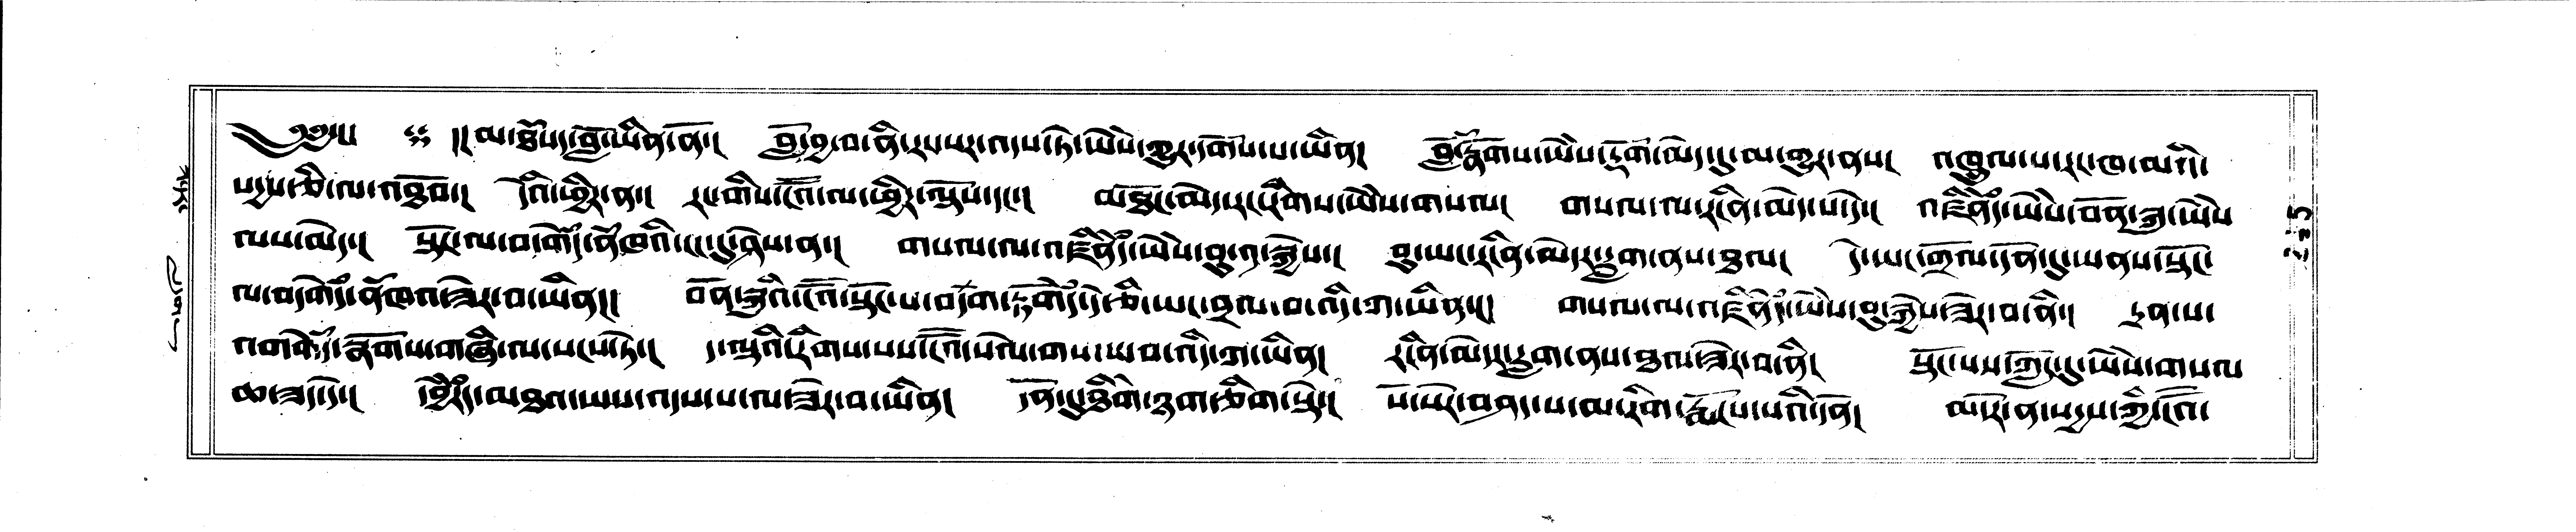མ་ཐམས་ཅད་བློ་ཡིན་ནོ། བློ་བྱ་བ་ནི་རང་སར་འདས་སྟེ། ཡེ་ཤེས་སུ་འགྱུར་དགོངས་པ་ཡིན། རྣམ་རྟོག་ཡེ་ཤེས་རྟོག་མེད་དུ་མ་གྱུར་ན། འཁྲུལ་པ་རང་ཀ་མའི་
སངས་རྒྱས་ག་ལ་ཐོབ། དོན་དེའི་ཕྱིར་ན་རང་གིས་ངོའོ་ལ་ཕྱིར་ལྟོས་དང་། མཐོང་མེད་རང་རིག་ཡེ་ཤེས་གསལ། གསལ་ལ་རང་བཞིན་མེད་པ་དེ་འཛིན་མེད་རང་གསལ་བོན་སྐུ་དེ་
ལས་མེད། སྟོང་ལ་བདག་མེད་ནམ་མཁའི་ངང་ཤེད་ནས། གསལ་ལ་འཛིན་མེད་ཀྱིས་ཡེ་ཤེས་བུ་གཅིག་སྐྱེས། བུ་ཡང་རང་བཞིན་མེད་པར་ཀླག་ནས་ཐལ། དེ་ལ་བཀྲོལ་དོན་དུ་བཤད་ན། སྟོང་
ལ་བདག་མེད་ནམ་མཁའ་ཟེར་བ་ནི། བོན་སྐུའི་ངོའོ་སྟོང་ལ་རྟོག་པ་མེད་དེ། ཅི་ཡང་བྲལ་བ་འདི་ཀ་ཡིན། གསལ་ལ་འཛིན་མེད་ཡེ་ཤེས་བུ་གཅིག་སྐྱེས་ཟེར་བ་ནི། དྲན་པ་
འགགས་མེད་སྣ་ཚོགས་གཞི་ལས་སངས་ཏེ། ད་ལྟ་རིག་པའི་ངོའོ་སལེ་གསལ་བ་འདི་ཀ་ཡིན། རང་བཞིན་མེད་པར་ཀླག་”རླག”ན་ཐལ་ཟེར་བ་ནི། སྟོང་པའི་ཀློང་དུ་ཡེ་ཤེས་
ཆ་ཟད་སྟེ། དབྱེར་མེད་མཐའ་ལས་འདས་པ་ལ་ཟེར་བ་ཡིན། དོན་དུ་ཐིག་ལེ་ཉག་གཅིག་སྟེ་སོ་སོར་བཤད་པ་མ་རིག་རྨོངས་པའི་དོན། མདོར་ན་སངས་རྒྱས་ངོའོ་